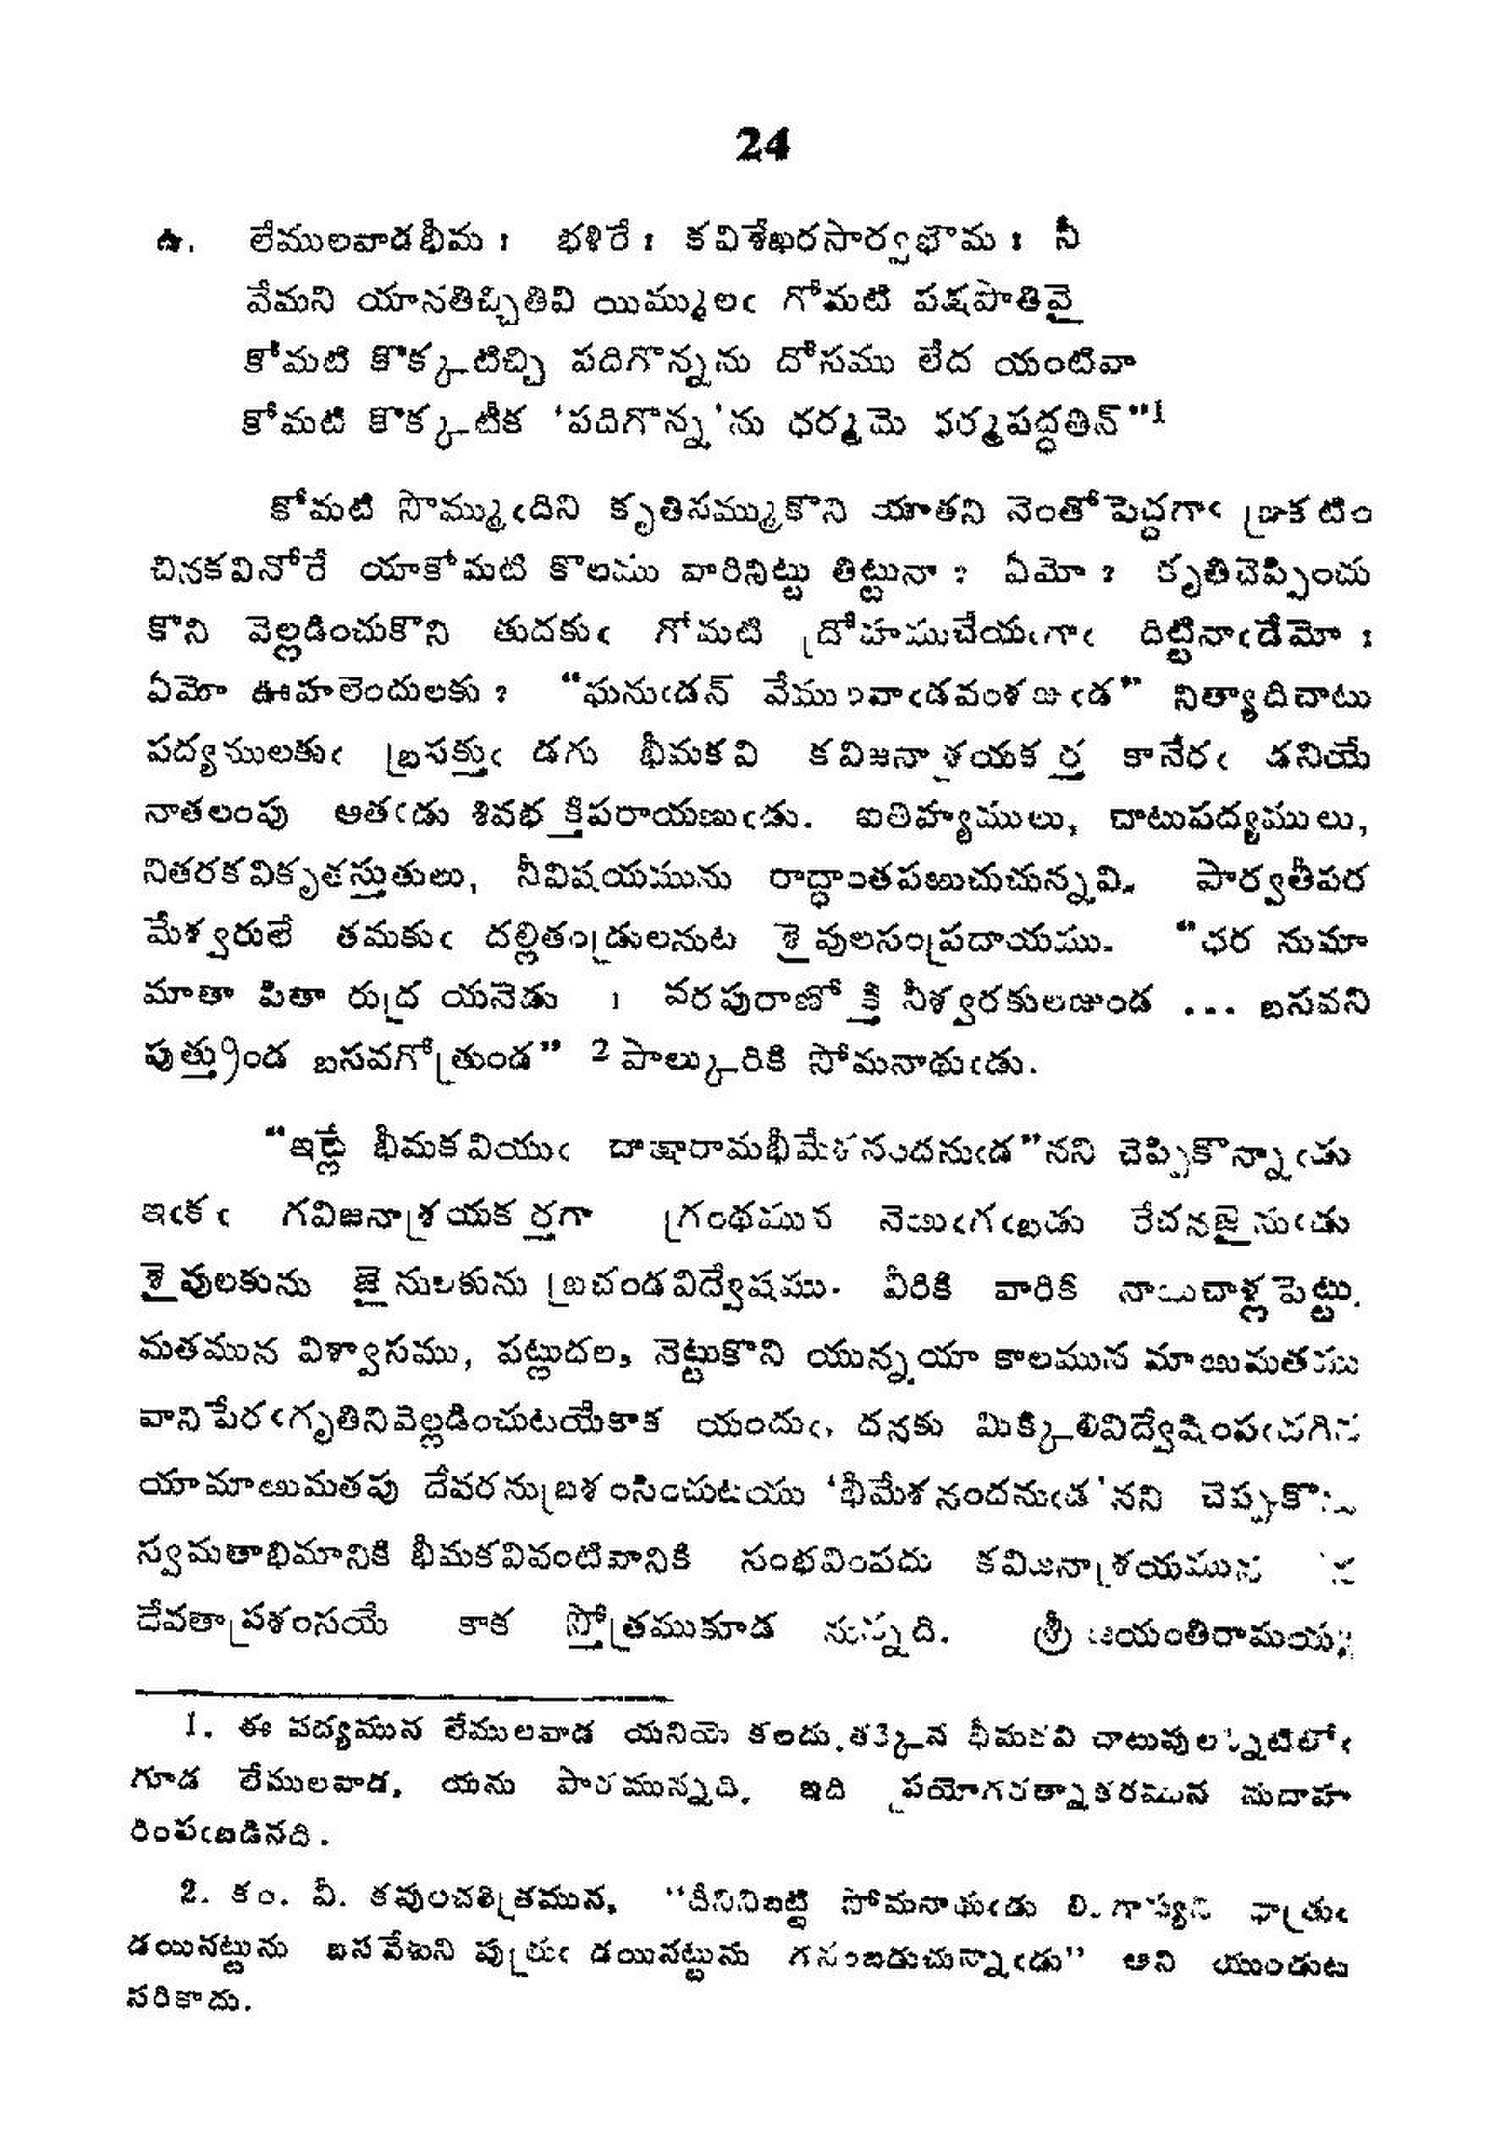.
లేములవాడ భీమ | భళిరే ! కవిశేఖర సార్వభౌమ ! నీ
వేమని యానతిచ్చితివి యిమ్ములఁ గోమటి పక్షపాతివై
కోమటి కొక్కటిచ్చి పదిగొన్నను దోసము లేద యంటివా
కోమటి కొక్కటీక 'పది గొన్న' ను ధర్మమె ధర్మపద్ధతిన్ "

కోమటి సొమ్ముఁదిని కృతినమ్ముకొని యాతని నెంతో పెద్దగా ప్రకటిం
చిన కవినోరే యాకోమటి కాలము వారినిట్టు తిట్టునా : ఏమో ! కృతి చెప్పించు
కొని వెల్లడించుకొని తుదకుఁ గోమటి ద్రోహముచేయఁగాఁ దిట్టినాఁడేమో
ఏమో ఊహలెందులకు? “ఘనుఁడన్ వేము వాఁడవంశజు డ" నిత్యాది చాటు
పద్యములకుఁ బ్రసక్తుఁ డగు భీమకవి కవిజనా శ్రయకర్త కానేరఁ డనియే
నాతలంపు అతఁడు శివభ క్తిపరాయణుఁడు. ఐతిహ్యములు, చాటుపద్యములు,
నితరక వికృత స్తుతులు, నీవిషయమును రాద్ధాంతపఱుచుచున్నవి. పార్వతీపర
మేశ్వరులే తమకుఁ దల్లితండ్రులనుట శైవుల సంప్రదాయము. "ధర నుమా
మాతా పితా రుద్ర యనెడు | వరపురాణోక్తి నీశ్వరకులజుండ బసవని
పుత్త్రుండ బసవగోత్రుండ" 2 పాల్కురికి సోమనాథుఁడు.

"ఇట్లే భీమకవియుఁ దాక్షారామ భీమేశ నందనుఁడ "నని చెప్పి కొన్నాడు
ఇఁకఁ గవిజనాశ్రయకర్తగా గ్రంథమున నెఱుఁగఁబడు రేచనజైసుఁడు
శైవులకును జైనులకును బ్రచండ విద్వేషము. ఏరికి వారికి నా నాటుతాళ్ల పెట్టు.
మతమున విశ్వాసము, పట్టుదల, నెట్టుకొని యున్నయా కాలమున మాఱుమతము
వాని పేరఁగృతిని వెల్లడించుటయేకాక యందుఁ, దనకు మిక్కిలి విద్వేషింపదగిన
యామాఱుమతపు దేవరనుబ్రశంసించుటయు 'భీమేశ నందనుఁడ 'నని చెప్పుకో:-
స్వమతాభిమానికి భీమకవి వంటివానికి సంభవింపదు కవిజనాశ్రయమున
దేవతా ప్రశంసయే కాక స్తోత్రముకూడ నున్నది. శ్రీ జయంతిరామయ్య